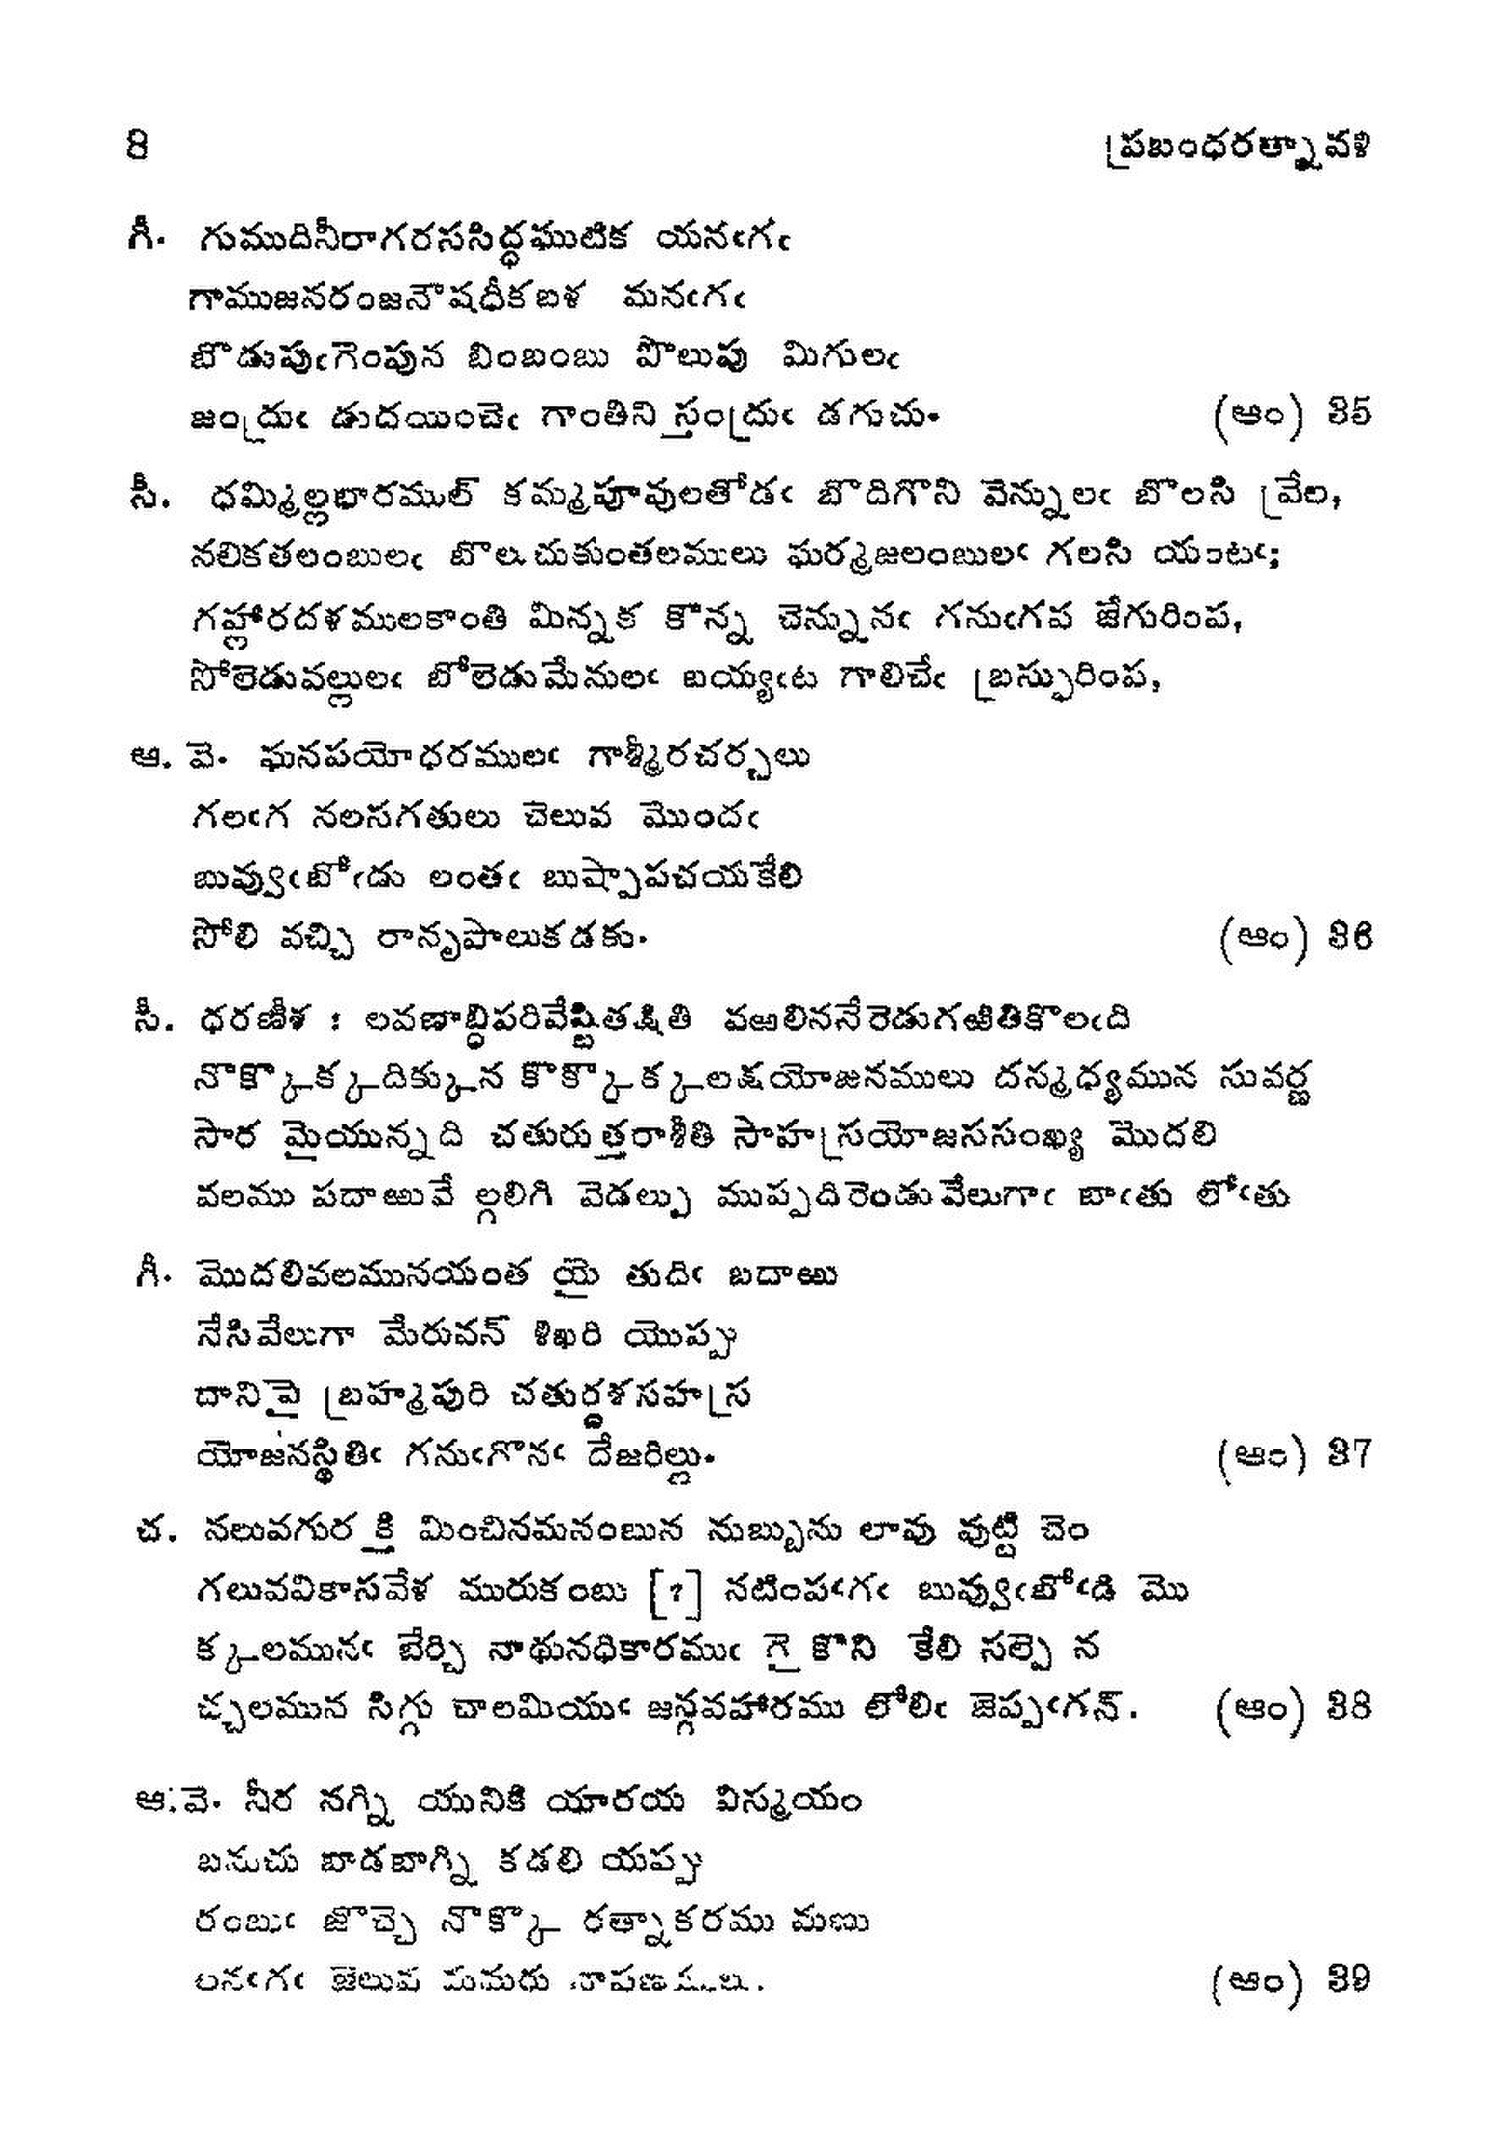గీ. గుముదినీరాగరససిద్ధఘుటిక యనఁగఁ
గాముజనరంజనౌషధీకబళ మనఁగఁ
బొడుపుఁగెంపున బింబంబు పొలుపు మిగులఁ
జంద్రుఁ డుదయించెఁ గాంతినిస్తంద్రుఁ డగుచు. (ఆం) 35 

సీ. ధమ్మిల్లభారముల్ కమ్మపూవులఁతోడఁ బొదికొని వెన్నులఁ బొలసి వ్రేల,
నలికతలంబులఁ బొలుచు కుంతలములు ఘర్మజలంబులఁ గలసి యంట,
గల్హారదళములకాంతి మిన్నక కొన్న చెన్నునఁ గనుఁగవ జేగుఱింప,
సోలెడువల్లులఁ బోలెడుమేనులఁ బయ్యఁట గాలిచేఁ బ్రస్ఫురింప,
తే. ఘనపయోధరములఁ గాశ్మీరచర్చలు
గలఁగ నలసగతులు చెలువమొందఁ
బువ్వుఁబోఁడు లంతఁ బుష్పాపచయకేళి
సోలి వచ్చి రా నృపాలు కడకు. (ఆం) 36

సీ. ధరణీశ! లవణాబ్ధిపరివేష్టితక్షితి వఱలిన నేరెడు గఱితికొలఁది
నొక్కొక్కదిక్కున కొక్కొక్కలక్షయో జనములు ధన్మధ్యమున సువర్ణ
సారమై యున్నది చతురుత్తరాశీతి సాహస్రయోజన సంఖ్య మొదలి
వలము పదాఱువే ల్గలిగి వెడల్పు ము ప్పదిరెండువేలుఁగాఁ బాఁతు లోఁతు
తే. మొదలివలమునయంత యై తుదిఁ బదాఱు
నేసివేలుగా మేరువన్ శిఖరి యొప్పు
దానిపై బ్రహ్మపురి చతుర్దశసహస్ర
యోజనస్థితిఁ గనుఁగొనఁ దేజరిల్లు. (ఆం) 37

చ. నలువగురక్తి మించిన మనంబున నుబ్బును లావు వుట్టి చెం
గలువ వికాసవేళ మురుకంబు[?] నటింపఁగఁ బువ్వుఁబోఁడి మొ
క్కలములఁ బేర్చి నాథునధికారముఁ గైకొని కేలి సల్పె న
చ్చలమున సిగ్గు చాలమియుఁ జన్గవహారము లోలిఁ జెప్పగన్. (ఆం) 38

ఆ. నీర నగ్నియునికి యారయ విస్మయం
బనుచు బాడబాగ్ని కడరి యప్పు
రంబుఁ జొచ్చెనొక్కొ రత్నాకరము మణు
లనఁగఁ జెలువ మమరు నాపణములు. (ఆం) 39